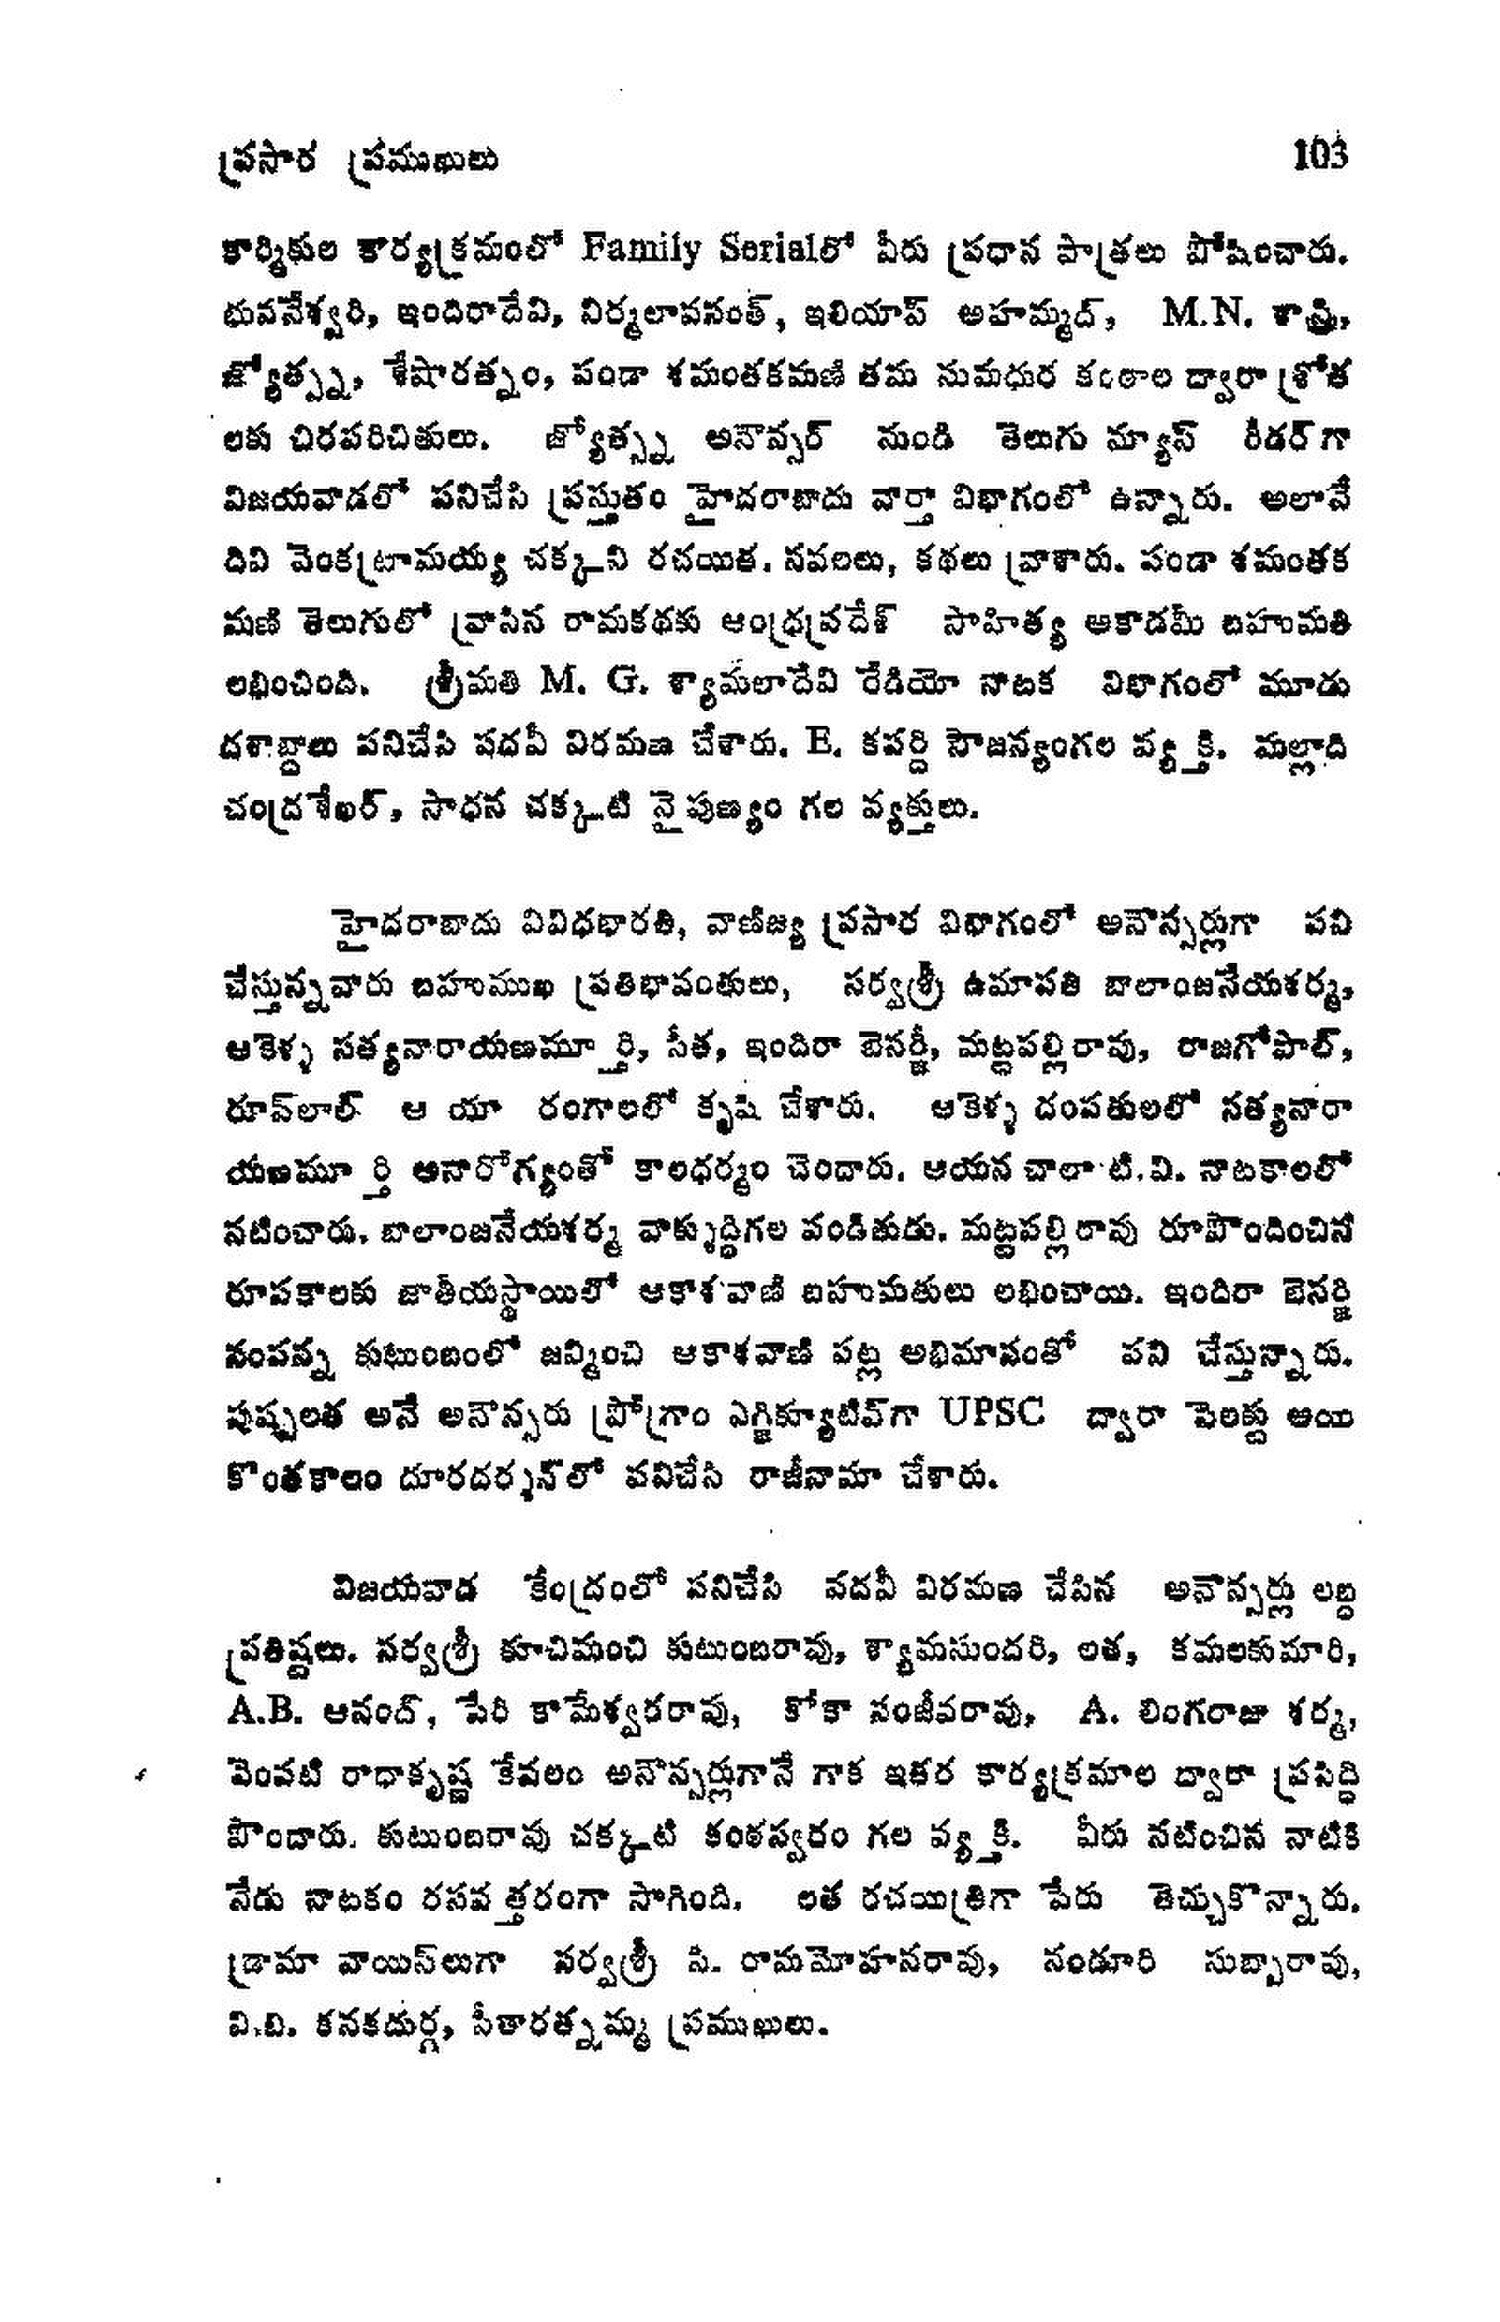కార్మికుల కార్యక్రమంలో Family Serialలో వీరు ప్రధాన పాత్రలు పోషించారు. భువనేశ్వరి, ఇందిరాదేవి, నిర్మలావసంత్, ఇలియాస్ అహమ్మద్, M. N. శాస్త్రి, జ్యోత్స్న, శేషారత్నం, పండా శమంతకమణి తమ సుమధుర కంఠాల ద్వారా శ్రోతలకు చిరపరిచితులు. జ్యోత్స్న అనౌన్సర్ నుండి తెలుగు న్యూస్ రీడర్‌గా విజయవాడలో పనిచేసి ప్రస్తుతం హైదరాబాదు వార్తా విభాగంలో ఉన్నారు. అలానే దివి వెంకట్రామయ్య చక్కని రచయిత, నవలలు, కథలు వ్రాశారు. పండా శమంతకమణి తెలుగులో వ్రాసిన రామకథకు ఆంధ్రప్రదేశ్ సాహిత్య అకాడమీ బహుమతి లభించింది. శ్రీమతి M. G. శ్యామలాదేవి రేడియో నాటక విభాగంలో మూడు దశాబ్దాలు పనిచేసి. పదవీ విరమణ చేశారు. E. కపర్ది సౌజన్యంగల వ్యక్తి. మల్లాది చంద్రశేఖర్, సాధన చక్కటి నైపుణ్యం గల వ్యక్తులు.

హైదరాబాదు వివిధభారతి, వాణిజ్య ప్రసార విభాగంలో అనౌన్సర్లుగా పనిచేస్తున్నవారు బహుముఖ ప్రతిభావంతులు. సర్వశ్రీ ఉమాపతి బాలాంజనేయశర్మ, ఆకెళ్ళ సత్యనారాయణమూర్తి, సీత, ఇందిరా బెనర్జీ, మట్టపల్లి రావు, రాజగోపాల్, రూప్‌లాల్ ఆ యా రంగాలలో కృషి చేశారు. ఆకెళ్ళ దంపతులలో సత్యనారాయణమూర్తి అనారోగ్యంతో కాలధర్మం చెందారు. ఆయన చాలా టి. వి. నాటకాలలో నటించారు. బాలంజనేయశర్మ వాక్శుద్దిగల పండితుడు. మట్టపల్లి రావు రూపొందించిన రూపకాలకు జాతీయస్థాయిలో ఆకాశవాణి బహుమతులు లభించాయి. ఇందిరా బెనర్జి సంపన్న కుటుంబంలో జన్మించి ఆకాశవాణి పట్ల అభిమానంతో పని చేస్తున్నారు. పుష్పలత అనే అనౌన్సరు ప్రోగ్రాం ఎగ్జిక్యూటివ్‌గా UPSC ద్వారా సెలక్టు అయి కొంతకాలం దూరదర్శన్‌లో పనిచేసి రాజీనామా చేశారు.

విజయవాడ కేంద్రంలో పనిచేసి పదవీ విరమణ చేసిన అనౌన్సర్లు లబ్ద ప్రతిష్టలు. సర్వశ్రీ కూచిమంచి కుటుంబరావు, శ్యామసుందరి, లత, కమలకుమారి, A. B. ఆనంద్, పేరి కామేశ్వరరావు, కోకా సంజీవరావు, A. లింగరాజు శర్మ, వెంపటి రాధాకృష్ణ కేవలం అనౌన్సర్లుగానే గాక ఇతర కార్యక్రమాల ద్వారా ప్రసిద్ధి పొందారు. కుటుంబరావు చక్కటి కంఠస్వరం గల వ్యక్తి. వీరు నటించిన నాటిక నేడు నాటకం రసవత్తరంగా సాగింది. లత రచయిత్రిగా పేరు తెచ్చుకొన్నారు. డ్రామా వాయిస్‌లుగా సర్వశ్రీ సి. రామమోహనరావు, నండూరి సుబ్బారావు, వి. బి. కనకదుర్గ, సీతారత్నమ్మ ప్రముఖులు.